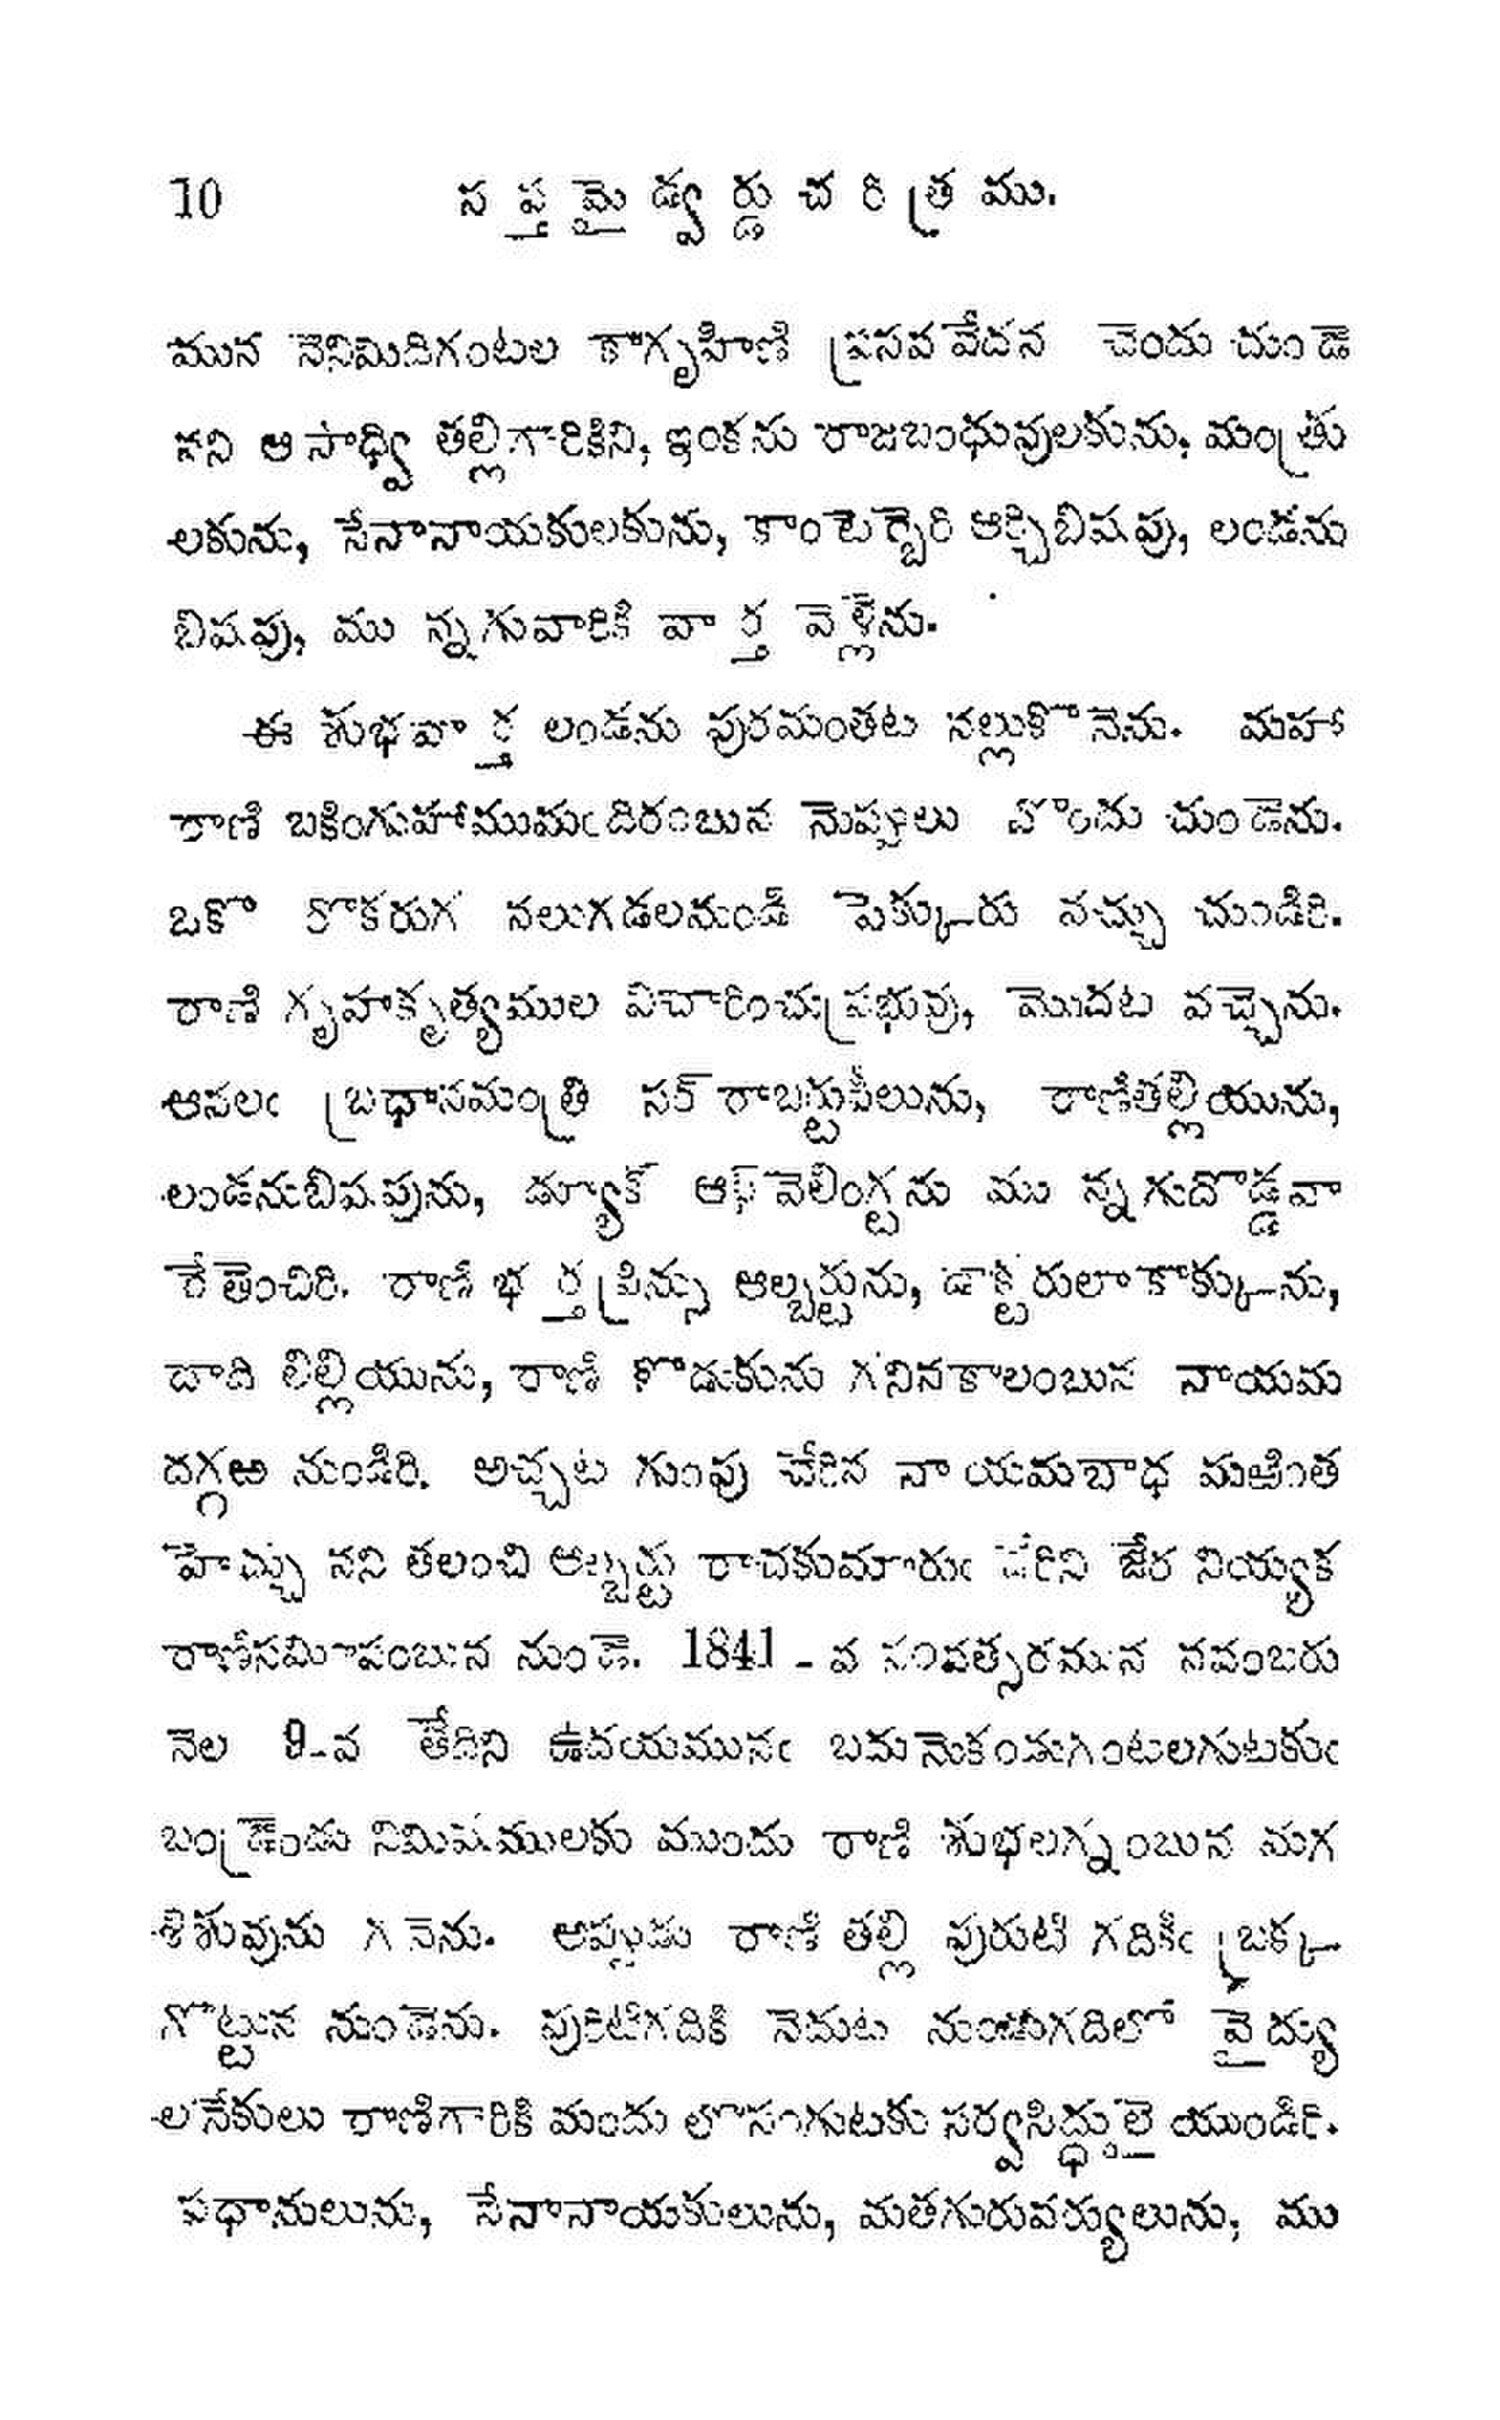మున "నెనిమిది గంటల కాగృహిణి ప్రసవ వేదన చెందు చుండెసని ఆ సాధ్వి తల్లి గారికిని, ఇంకను 'రాజు బంధువులకును, మంత్రులకును, సేనానాయకులకును, 'కాంటెగ్బెరి ఆక్చిబిషపు, లండను
బిషపు, మున్నగువారికి వార్త వెళ్లను.

ఈ శుభవార్త లండను పురమంతట నల్లుకొనెను. మహారాణి బకింగు హాముమందిరంబున నెప్పులు బొందు చుండెను. ఒకో కొకరుగ నలు:గడలనుండి పెక్కురు నచ్చు చుండిరి.రాణి గృహకృత్యముల విచారించు: ప్రభువు, మొదట వచ్చెను. అవలఁ బ్రధానమంత్రి సర్ రాబట్టుపీలును, రాణి తల్లియును, లండను బీషపును, డ్యూక్ ఆఫ్ వెలింగ్టను మున్నగుదొడ్డవారేతెంచిరి. "రాణీ భర్తప్రిన్సు ఆల్బర్టును, "వీరులా కాక్కును, దాది లిల్లియును, రాణి కొడుకును గనిన కాలంబున నాయమ
దగ్గర నుండిరి. అచ్చట గుంపు చేరిన నా యమబాధ మరింతహెచ్చు సని తలంచి అక్టు రాచకుమారుఁ డిని జేర నియ్యక రాణిసమిషంబున నుండె. 1841 - వ సంవత్సరమున నవంబరు
నెల 9వ తేదీని ఉదయమునఁ బదునొండు గంటలగుటకు బండ్రెండు నిమిషములకు ముందు రాణి శుభలగ్నంబున మగశిశువును గనెను. అప్పుడు రాణి తల్లి పురుటి గదికి ఒక్క గొట్టున నుండెను. పురిటి గదికి నెదుట నుండు గదిలో వైద్యుల నేకులు రాణి గారికి మందు లొసుగుటకు సర్వసిద్ధులై యుండిరి .ప్రధానులును, సేనా నాయకులును, మతగురువర్యులును, ము